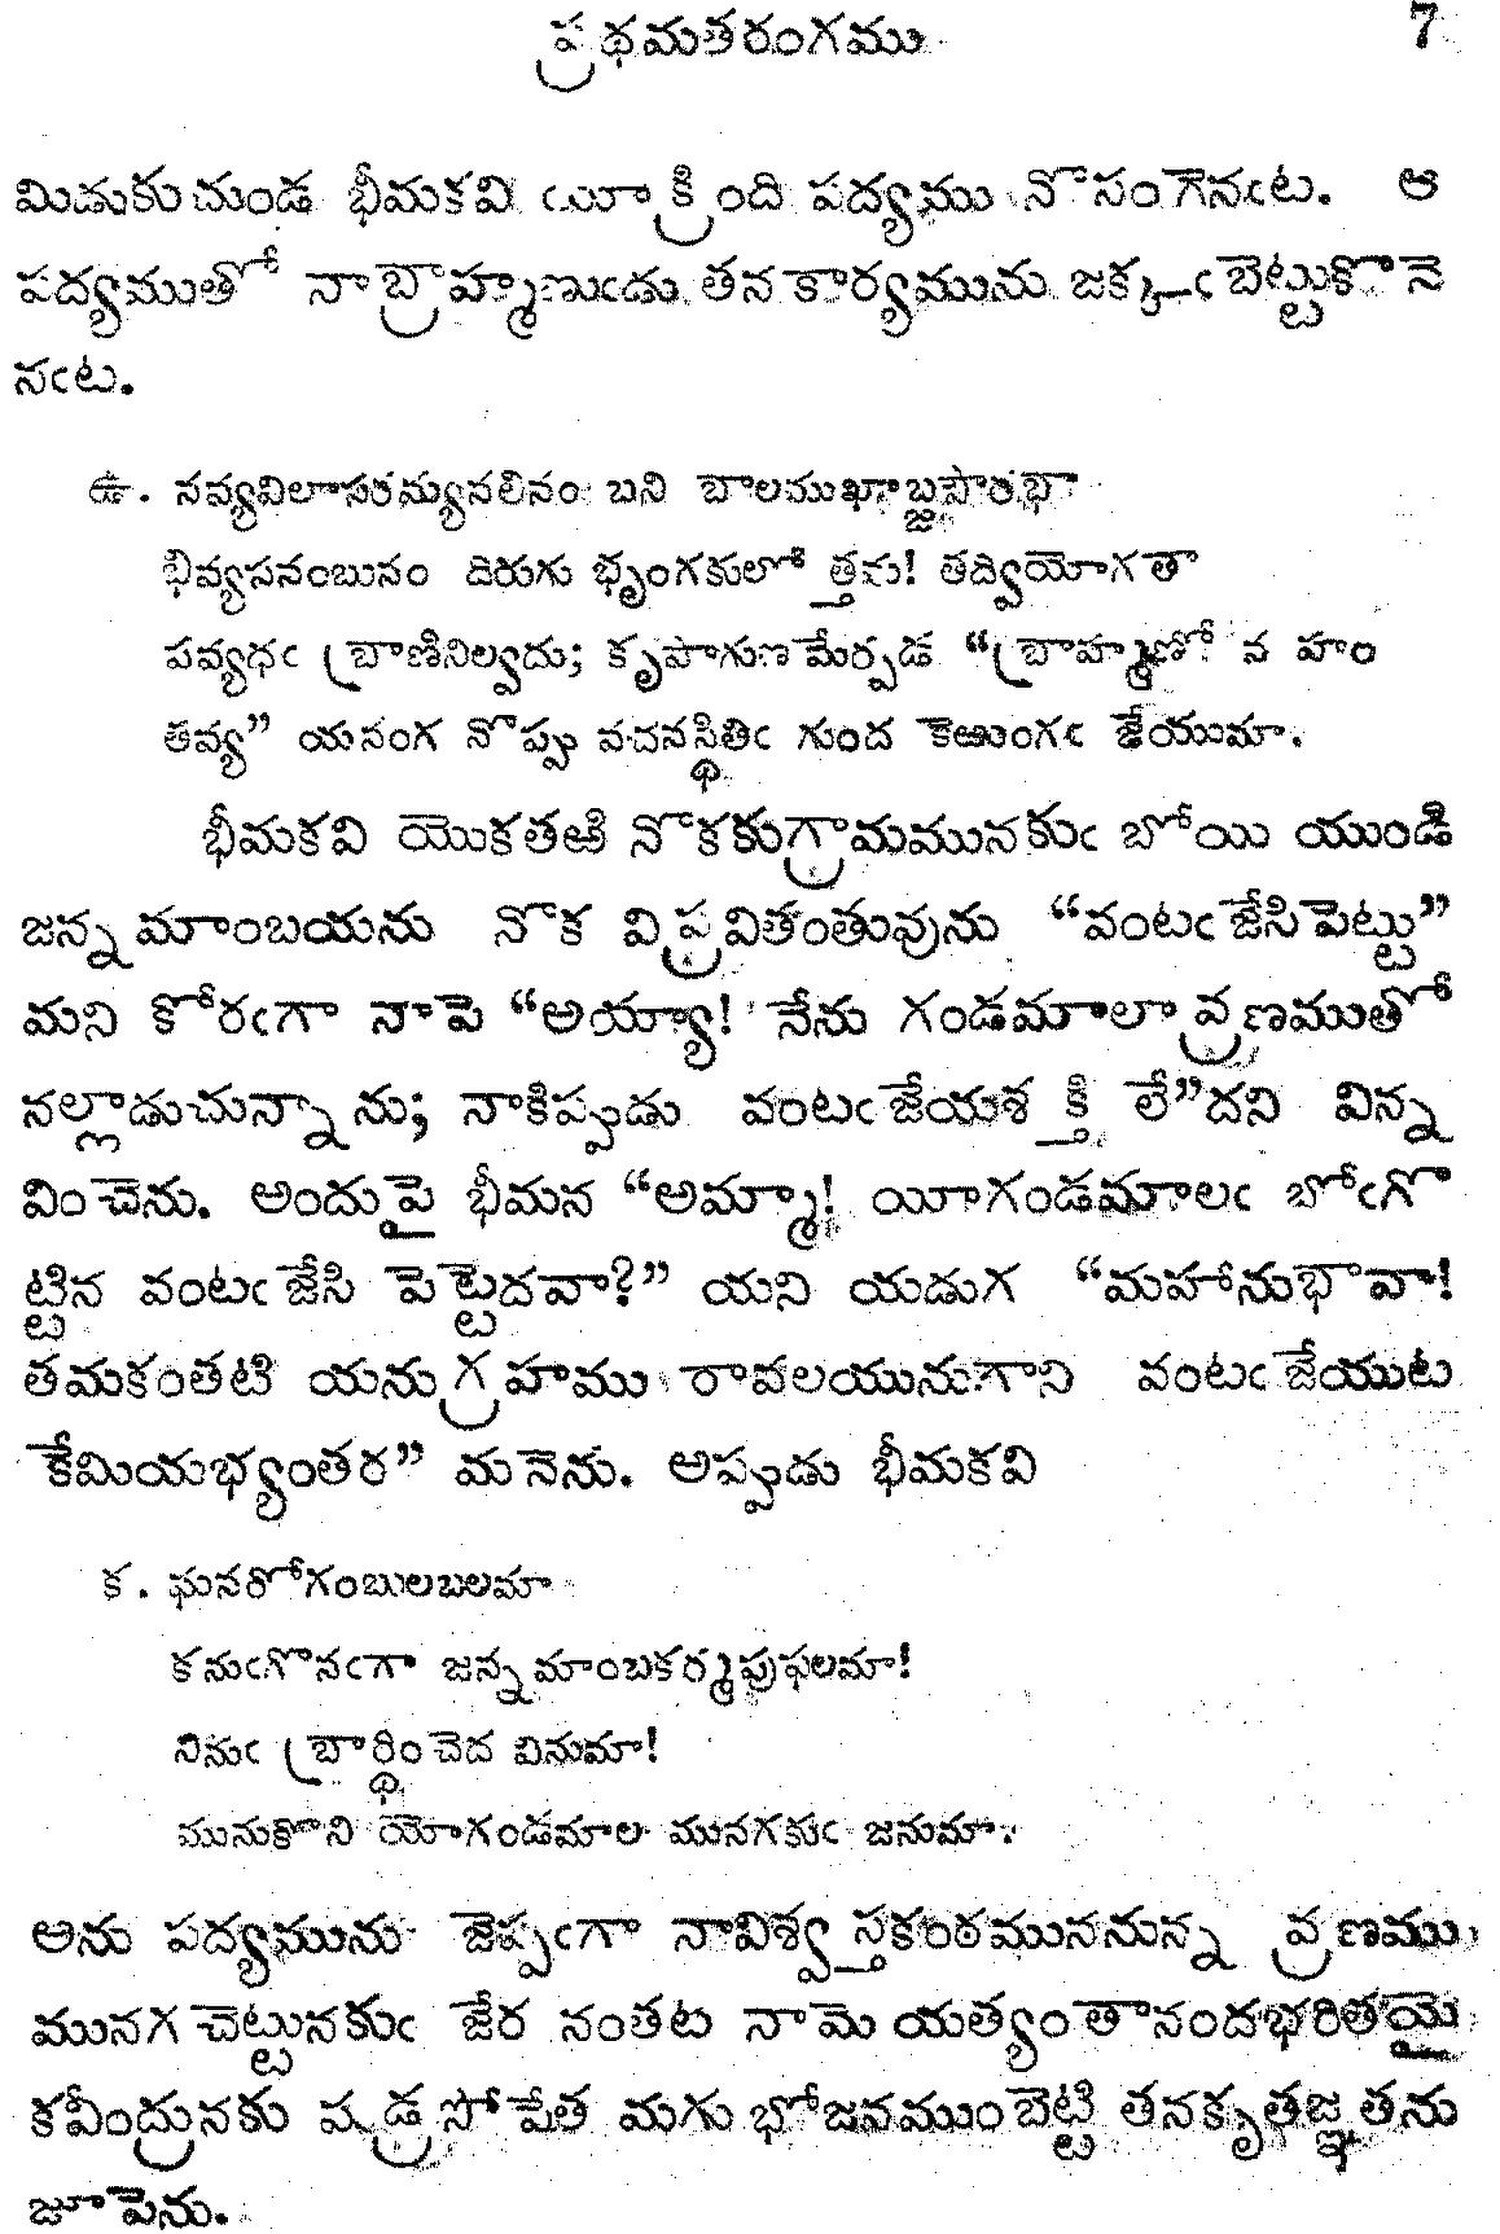మిడుకుచుండ భీమకవి యీక్రింది పద్యము నొసంగెనఁట. ఆపద్యముతో నాబ్రాహ్మణుఁడు తనకార్యమును జక్కఁబెట్టుకొనెనఁట.

ఉ. నవ్యవిలాసరమ్యనలినం బని బాలముఖాబ్జసౌరభా
 భివ్యసనంబునం దిరుగు భృంగకులోత్తమ! తద్వియోగతా
 పవ్యధఁ బ్రాణినిల్వదు; కృపాగుణ మేర్పడ “బ్రాహ్మణో న హం
 తవ్య” యనంగ నొప్పు వచనస్థితిఁ గుంద కెఱుంగఁ జేయుమా.

భీమకవి యొకతఱి నొకకుగ్రామమునకుఁ బోయి యుండి జన్నమాంబయను నొకవిప్రవితంతువును “వంటఁజేసిపెట్టు” మని కోరఁగా నాపె “అయ్యా! నేను గండమాలావ్రణముతో నల్లాడుచున్నాను; నాకిప్పుడు వంటఁజేయశక్తి లే” దని విన్నవించెను. అందుపై భీమన “అమ్మా! యీగండమాలఁ బోఁగొట్టిన వంటఁజేసి పెట్టెదవా?” యని యడుగ “మహానుభావా! తమకంతటి యనుగ్రహము రావలయునుగాని వంటఁజేయుట కేమియభ్యంతర” మనెను. అప్పుడు భీమకవి

క. ఘనరోగంబులబలమా
 కనుఁగొనఁగా జన్నమాంబకర్మపుఫలమా!
 నినుఁ బ్రార్థించెద వినుమా!
 మునుకొని యోగండమాల మునగకుఁ జనుమా.

అను పద్యమును జెప్పఁగా నావిశ్వస్తకంఠముననున్న వ్రణము మునగచెట్టునకుఁ జేర నంతట నామె యత్యంతానందభరితయై కవీంద్రునకు షడ్రసోపేత మగు భోజనముం బెట్టి తనకృతజ్ఞతను జూపెను.